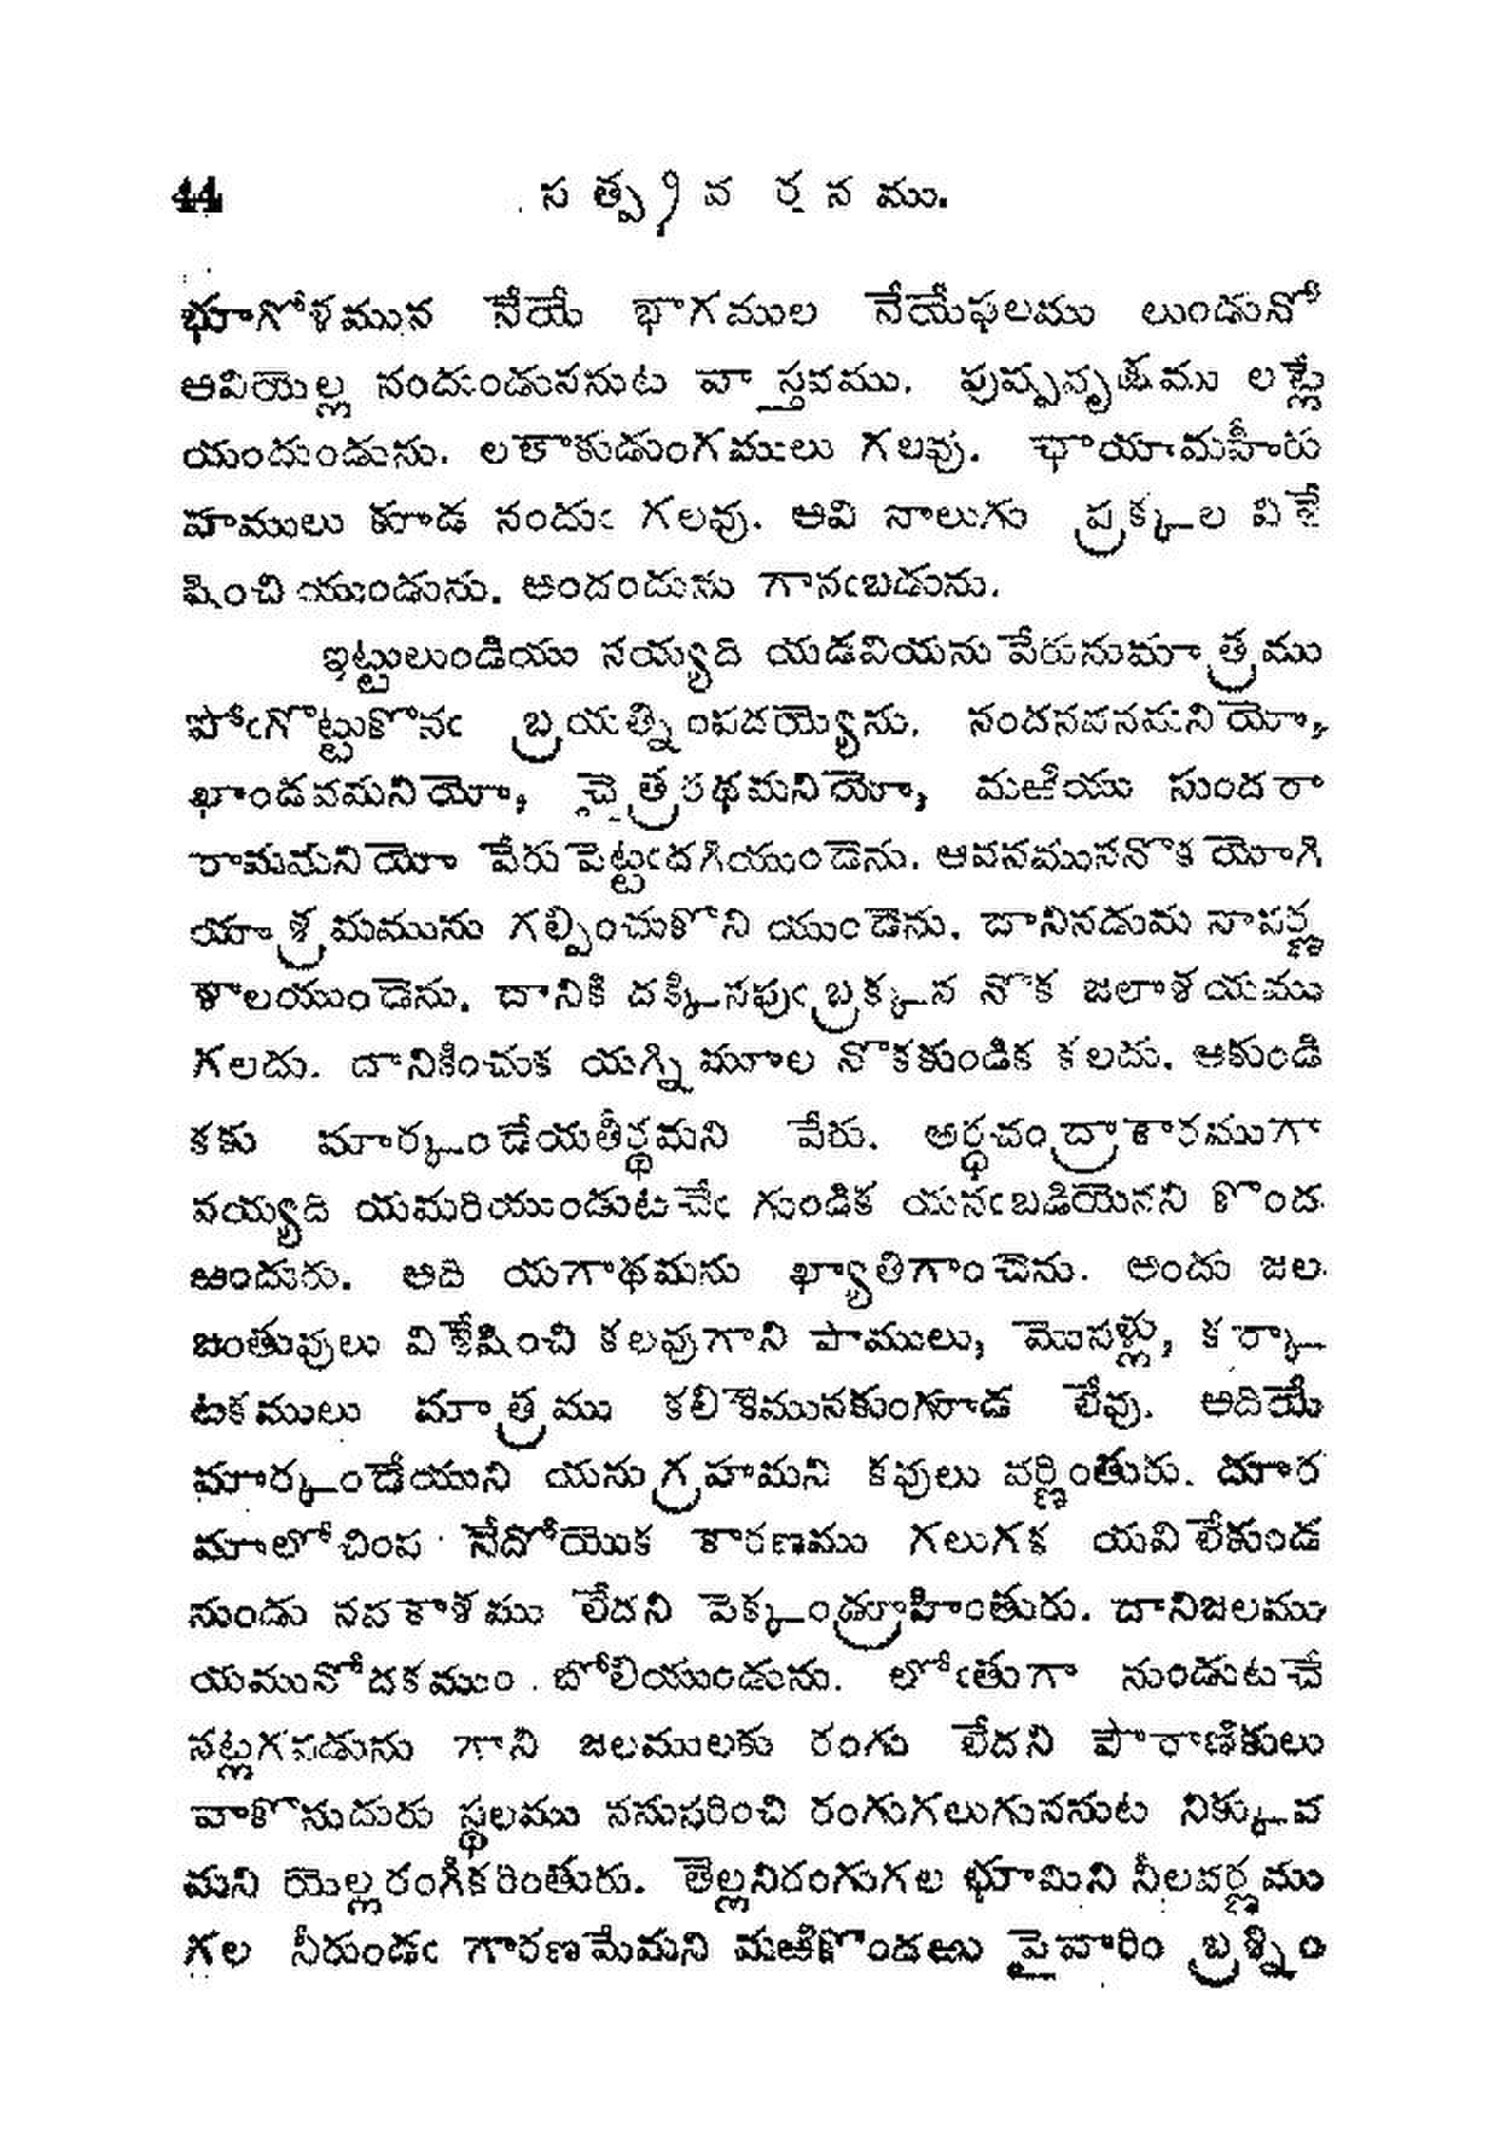భూగోళమున "నేయే భాగముల నేయఫలము లుండునో అవియెల్ల నందుండుననుట వాస్తవము, పుష్పవృక్షము లట్లే యందుండును. లతాకుడుంగములు గలవు. ఛాయామహీరు హములు కూడ నందుఁ గలవు. అవి నాలుగు పక్కల విశే షించి యుండును. అందందును గానఁబడును.

ఇట్టులుండియు సయ్యది యడవియను పేరునుమా తము పోఁగొట్టుకొనఁ బ్రయత్నిం పడయ్యెను. నందనవనమనియో, ఖాండవమనియో, చైత్ర రథమనియో, మఱియు సుందరా రామమనియో పేరు పెట్టఁదగియుండెను. ఆవనముననొక యోగి యాశ్రమమును గల్పించుకొని యుండెను, దానినడుమ పార్ణశాలయుండెను. దానికి దక్షిణపుఁ బక్కన నొక జలాశయము గలదు. దానికించుక యగ్ని మూల నొకకుండిక కలదు, ఆకుండి కకు మార్కండేయ తీర్థమని పేరు. అర్ధచంద్రాకారముగా వయ్యది యమరియుండుట చేత గుండిక యనంబడియెనని కొందఱందురు. అది యగాథమను ఖ్యాతిగాంచెను. అందు జల జంతువులు విషేషించి కలవుగాని పాములు, మొసళ్లు, కర్కాటకములు మాత్రము కలికమునకుంగూడ లేవు. అదియే మార్కండేయుని యను గ్రహమని కవులు వర్ణింతురు. దూరమాలోచింప - నేదోయొక కారణము గలుగకయవి లేకుండనుండు నవశాశము లేదని పెక్కండ్రూ హింతురు. దానిజలము యమునోదకముం బోలియుండును. లోతుగా నుండుట చే నట్లగుడును గాని జలములకు రంగు లేదని పౌరాణికులు వాకొనుదురు. స్థలము ననుసరించి రంగుగలుగుననుట నిక్కువ మని యెల్లరంగీకరింతురు. తెల్లని రంగుగల భూమిని నీలవర్ణము గల నీరుండఁ గారణ మేమని మఱి కొందజు పైవారిం బ్రశ్నిం